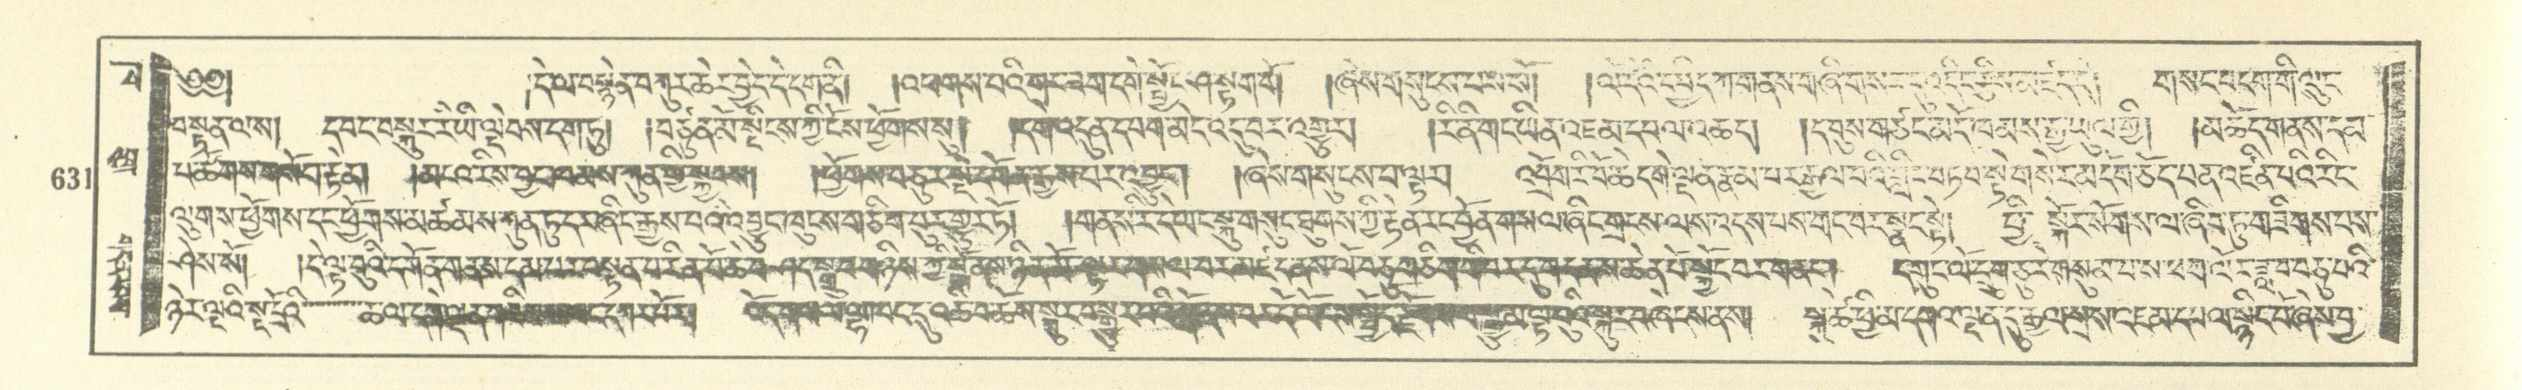༄༅། །དེ་ལ་བསྙེན་བཀུར་ཆེར་བྱེད་དེ་དག་ནི། །འཕགས་པའི་གང་ཟག་དགེ་སྦྱོང་ཤ་སྟག་གོ །ཞེས་གསུངས་པས་སོ། །ལོ་དེའི་དཔྱིད་ཀ་གནས་གཞི་གསར་དུ་འདིང་རྩིས་མཛད་དེ། གསང་བདག་གི་ལུང་
བསྟན་ལས། དབང་བསྐུར་རི་ཡི་ལྡེབས་དག་ཏུ། །བཙུན་མོ་སྡིངས་ཀྱི་ངོས་ཕྱོགས་སུ། །དགེ་འདུན་དཔག་མེད་འདུ་བར་འགྱུར། །རི་ནི་གང་ཡིན་འཇམ་དཔལ་འཆད། །དབུས་གཙང་མདོ་ཁམས་རྒྱ་ཡུལ་གྱི། །མཆོད་གནས་དམ་
པ་ཚོགས་གསོག་རྟེན། །མངའ་རིས་བྱང་ཁམས་ཀུན་གྱི་སྐྱབས། །ཕྱོགས་བཅུར་སྡེ་དགོན་རྒྱས་པར་འབྱུང་། །ཞེས་གསུངས་པ་ལྟར། འབྲོག་རི་བོ་ཆེ་དགེ་ལྡན་རྣམ་པར་རྒྱལ་བའི་གླིང་བཏབ་སྟེ་གསེར་མདོག་ཅོད་པན་འཛིན་པའི་རིང་
ལུགས་ཕྱོགས་དང་ཕྱོགས་མཚམས་ཀུན་ཏུ་དར་ཞིང་རྒྱས་པའི་འབྱུང་ཁུངས་གཅིག་བུར་གྱུར་ཏོ། །གནས་རི་དེ་ཡང་སྐུ་གསུང་ཐུགས་ཀྱི་རྟེན་རང་བྱོན་གསལ་ཞིང་གྲངས་ལས་འདས་པས་གང་བར་སྣང་སྟེ། ཕྱིར་སྐོར་སོགས་ལ་ཞིབ་ཏུ་གཟིགས་པས་
ཤེས་སོ། །དེ་ལྟ་བུའི་དགོན་གནས་དམ་པར་བསྟན་པ་རིན་པོ་ཆེ་བཤད་སྒྲུབ་གཉིས་ཀྱི་སྒོ་ནས་ཉིན་མོ་ལྟར་གསལ་བར་མཛད་ནས་ལོ་བཅུ་གཅིག་གི་བར་དུ་གདན་ས་ཆེན་པོ་སྐྱོང་བར་གནང་། དགུང་ལོ་དྲུག་ཅུ་རེ་གསུམ་པས་ཕག་ལོར་ཟླ་བ་བཅུ་པའི་
ཉེར་ལྔའི་སྔ་དྲོའི་ཆ་ལ་དགེ་ལྡན་གཟིམས་ཁང་དཀར་པོར། འོད་གསལ་ལྷ་ཁང་དུ་འཆི་བ་ཆོས་སྐུར་བསྒྱུར་པའི་སྒོ་ནས་བར་དོ་ལོངས་སྤྱོད་རྫོགས་པ་སྒྱུ་མ་ལྟ་བུའི་སྐུར་བཞེངས་ནས། སྐུ་ཚེ་ཕྱི་མ་དགའ་ལྡན་དུ་རྒྱལ་སྲས་འཇམ་དཔལ་སྙིང་པོ་ཞེས་བྱ་